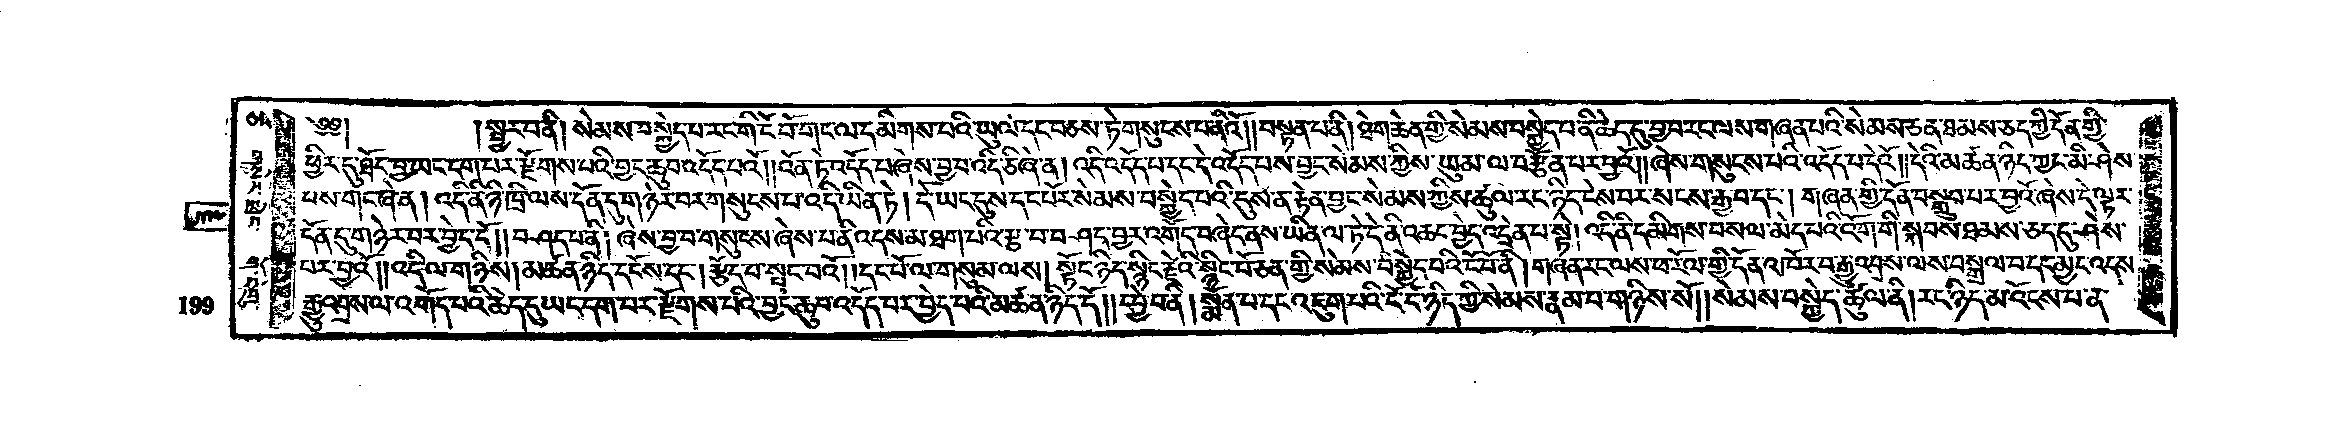༄༅། །སྦྱར་བ་ནི། སེམས་བསྐྱེད་པ་རང་གི་ངོ་བོ་གང་ལ་དམིགས་པའི་ཡུལ་དང་བཅས་ཏེ་གསུངས་པ་ནིའོ། །བསྟན་པ་ནི། ཐེག་ཆེན་གྱི་སེམས་བསྐྱེད་པ་ནི་ཆེད་དུ་བྱ་བ་རང་ལས་གཞན་པའི་སེམས་ཅན་ཐམས་ཅད་ཀྱི་དོན་གྱི་
ཕྱིར་དུ་ཐོབ་བྱ་ཡང་དག་པར་རྫོགས་པའི་བྱང་ཆུབ་འདོད་པའོ། །འོན་ཏེ་འདོད་པ་ཞེས་བྱ་བ་འདི་ཅི་ཞེ་ན། འདི་འདོད་པ་དང་དེ་འདོད་པས་བྱང་སེམས་ཀྱིས་ཡུམ་ལ་བརྩོན་པར་བྱའོ། །ཞེས་གསུངས་པའི་འདོད་པ་དེའོ། །དེའི་མཚན་ཉིད་ཀྱང་མི་ཤེས་
པས་གང་ཞེ་ན། འདི་ནི་ཉི་ཁྲི་ལས་དོན་དུ་གཉེར་བར་གསུངས་པ་འདི་ཡིན་ཏེ། དེ་ཡང་དུས་དང་པོར་སེམས་བསྐྱེད་པའི་དུས་ན་རྟེན་བྱང་སེམས་ཀྱིས་ཚུལ་རང་ཉིད་ངེས་པར་སངས་རྒྱ་བ་དང་། གཞན་གྱི་དོན་བསྒྲུབ་པར་བྱའོ་ཞེས་དེ་ལྟར་
དོན་དུ་གཉེར་བར་བྱེད་དོ། །བཤད་པ་ནི། ཞེས་བྱ་བ་གསུངས་ཞེས་པ་ནི་འདས་མ་ཐག་པའི་རྩ་བ་བཤད་བྱར་འགོད་བཞེད་ནས་ཡིན་ལ་ཏེ་དེ་ནི་འཆད་བྱེད་འདྲེན་པ་སྟེ། འདི་ནི་དམིགས་བསལ་མེད་པའི་འོག་གི་སྐབས་ཐམས་ཅད་དུ་ཤེས་
པར་བྱའོ། །འདི་ལ་གཉིས། མཚན་ཉིད་དངོས་དང་། རྩོད་པ་སྤང་བའོ། །དང་པོ་ལ་གསུམ་ལས། སྟོང་ཉིད་སྙིང་རྗེའི་སྙིང་པོ་ཅན་གྱི་སེམས་བསྐྱེད་པའི་ངོ་བོ་ནི། གཞན་རང་ལས་ཕ་རོལ་གྱི་དོན་འཁོར་བ་རྒྱུ་འབྲས་ལས་བསྒྲལ་བ་དང་མྱང་འདས་
རྒྱུ་འབྲས་ལ་འགོད་པའི་ཆེད་དུ་ཡང་དག་པར་རྫོགས་པའི་བྱང་ཆུབ་འདོད་པར་བྱེད་པའི་མཚན་ཉིད་དོ། །དབྱེ་བ་ནི། སྨོན་པ་དང་འཇུག་པའི་ངོ་བོ་ཉིད་ཀྱི་སེམས་རྣམ་པ་གཉིས་སོ། །སེམས་བསྐྱེད་ཚུལ་ནི། རང་ཉིད་མ་འོངས་པ་ན་